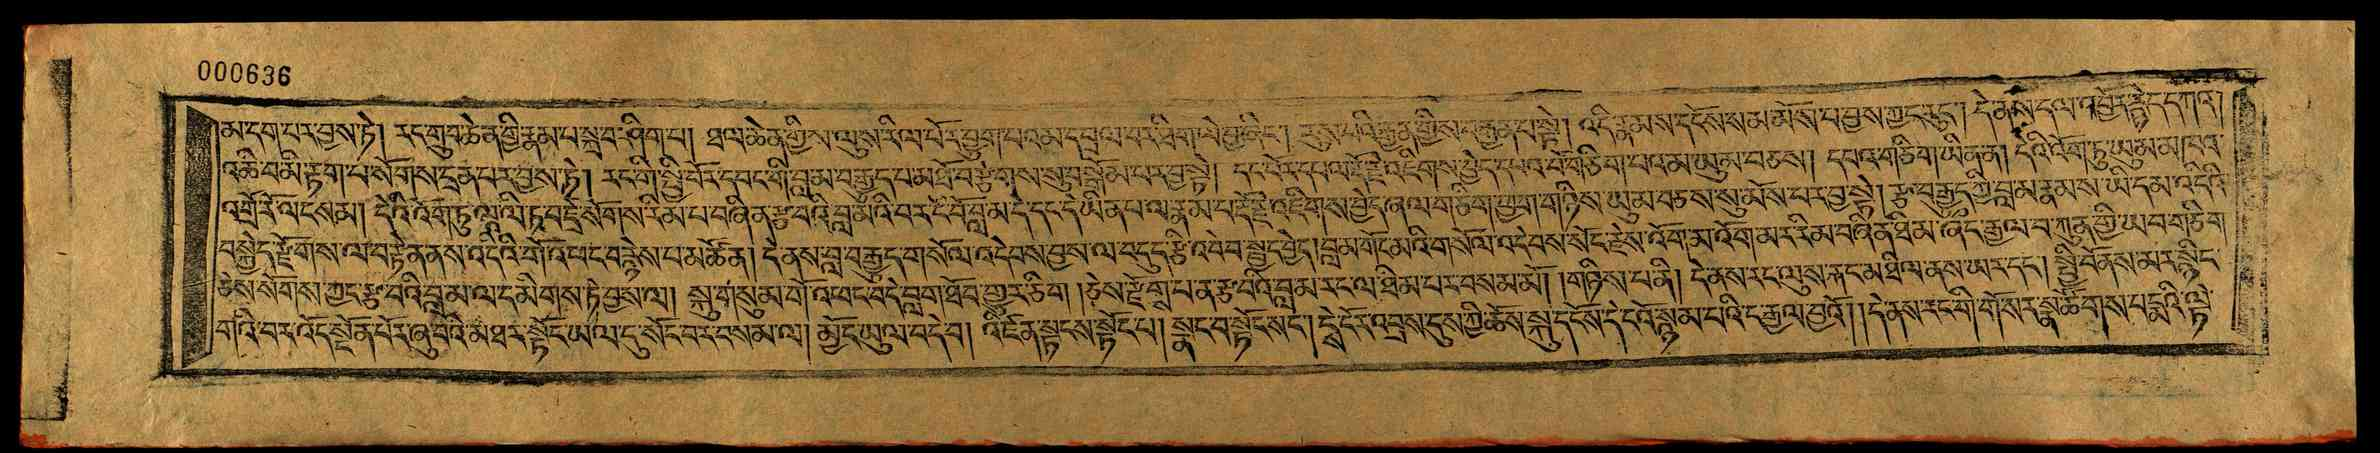མ་དག་པར་བྱས་ཏེ། རང་གྲུབ་ཆེན་གྱི་རྣམ་པ་སྐྲ་བཤིག་པ། ཐལ་ཆེན་གྱིས་ལུས་རིལ་བོར་བྱུག་པའམ་དཔྲལ་བར་ཐིག་ལེ་བྱ་ཞིང་། རུས་པའི་རྒྱན་གྱིས་བརྒྱན་པ་སྟེ། འདི་རྣམས་དངོས་སམ་མོས་པ་བྱས་ཀྱང་རུང་། དེ་ནས་དལ་འབྱོར་རྙེད་དཀའ་
འཆི་བ་མི་རྟག་པ་སོགས་དྲན་པར་བྱས་ཏེ། རང་གི་སྤྱི་བོར་དབང་གི་བླ་མ་བརྒྱུད་པ་མཐོ་བརྩེགས་སུ་བསྒོམ་པར་བྱ་སྟེ། དང་པོར་དཔལ་རྡོ་རྗེ་འཇིགས་བྱེད་དཔའ་བོ་གཅིག་པའམ་ཡུམ་བཅས། དཔའ་གཅིག་ཡིན་ན། དེའི་འོག་ཏུ་ཡུམ་མཁའ་
འགྲོ་རོ་ལངས་མ། དེའི་འོག་ཏུ་ལཱ་ལི་ཏ་བཛྲ་སོགས་རིམ་པ་བཞིན་རྩ་བའི་བླ་མའི་བར་ངོ་བོ་བླ་མ་དེ་དང་དེ་ཡིན་པ་ལ་རྣམ་པ་རྡོ་རྗེ་འཇིགས་བྱེད་ཞལ་གཅིག་ཕྱག་གཉིས་ཡུམ་བཅས་སུ་མོས་པར་བྱ་སྟེ། རྩ་བརྒྱུད་ཀྱི་བླ་མ་རྣམས་ཡི་དམ་འདིའི་
བསྐྱེད་རྫོགས་ལ་བརྟེན་ནས་འདིའི་གོ་འཕང་བརྙེས་པ་མཚོན། དེ་ནས་བླ་བརྒྱུད་གསོལ་འདེབས་བྱས་ལ་བདུད་རྩི་འབེབ་སྦྱང་བྱེད། བླ་མ་གོང་མའི་གསོལ་འདེབས་སོང་རྗེས་འོག་མ་འོག་མར་རིམ་བཞིན་ཐིམ་ཞིང་རྒྱལ་བ་ཀུན་གྱི་ཡབ་གཅིག་
ཅེས་སོགས་ཀྱང་རྩ་བའི་བླ་མ་ལ་དམིགས་ཏེ་བྱས་ལ། སྐུ་གསུམ་གོ་འཕང་བདེ་བླག་ཐོབ་གྱུར་ཅིག །ཅེས་རྫོགས་པ་ན་རྩ་བའི་བླ་མ་རང་ལ་ཐིམ་པར་བསམ་མོ། །གཉིས་པ་ནི། དེ་ནས་རང་ལུས་རྐང་མཐིལ་ནས་ཡར་དང་། སྤྱི་བོ་ནས་མར་སྙིང་
གའི་བར་འོད་སྔོན་པོར་ཞུ་བའི་མཐར་སྟོང་ཡུལ་དུ་སོང་བར་བསམ་ལ། མྱོང་ཡུལ་བདེ་བ། འཛིན་སྟངས་སྟོང་པ། སྣང་བ་སྟོང་སང་། དེས་ངོར་འབྲས་དུས་ཀྱི་ཆོས་སྐུ་དངོས་དེ་ངའོ་སྙམ་པའི་ང་རྒྱལ་བྱའོ། །དེ་ནས་རང་གི་གོ་སར་སྣ་ཚོགས་པདམའི་ལྟེ་